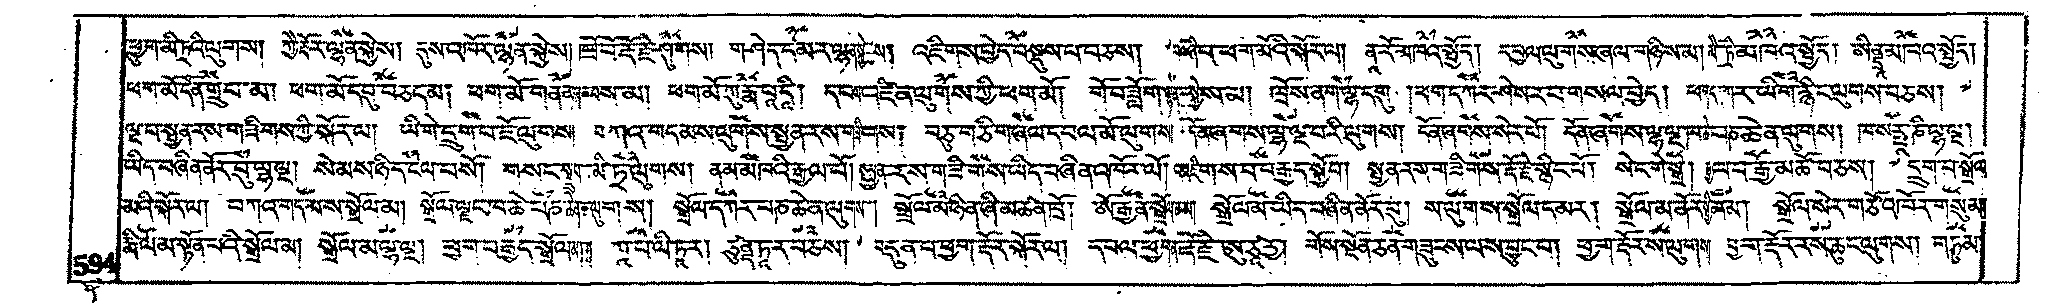ཕྱུག་མི་ཏྲའི་ལུགས། ཀྱཻ་རྡོར་ལྷན་སྐྱེས། དུས་འཁོར་ལྷན་སྐྱེས། ཁྲོ་བོ་རྡོ་རྗེ་ཤུགས། གཤེད་དམར་ལྷན་སྐྱེས། འཇིགས་བྱེད་བསྡུས་པ་བཅས། ༧་བཞི་པ་ཕག་མོའི་སྐོར་ལ། ནཱ་རོ་མཁའ་སྤྱོད། དཔྱལ་ལུགས་ཞལ་གཉིས་མ། མཻ་ཏྲི་མཁའ་སྤྱོད། ཨིནྡྲཱ་མཁའ་སྤྱོད།
ཕག་མོ་དོན་གྲུབ་མ། ཕག་མོ་དབུ་བཅད་མ། ཕག་མོ་གནམ་ཞབས་མ། ཕག་མོ་ཀུརྨ་པཱ་དཱི། དཔལ་འཛིན་ལུགས་ཀྱི་ཕག་མོ། གོ་བཟློག་ལྷན་སྐྱེས་མ། ཁྲོས་ནག་ལྷ་དགུ །ཕག་དཀར་ཤེས་རབ་གསལ་བྱེད། ཕག་དཀར་ཡིག་རྙིང་ལུགས་བཅས། ༧
ལྔ་པ་སྤྱན་རས་གཟིགས་ཀྱི་སྐོར་ལ། ཡི་གེ་དྲུག་པ་ཇོ་ལུགས། བཀའ་གདམས་ལུགས་སྤྱན་རས་གཟིགས། བཅུ་གཅིག་ཞལ་དཔལ་མོ་ལུགས། དོན་ཞགས་ལྷ་ལྔ་བ་རི་ལུགས། དོན་ཞགས་སེར་པོ། དོན་ཞགས་ལྷ་ལྔ་ཁ་ཆེ་པཎ་ཆེན་ལུགས། ཁ་སརྤཱ་ཎི་ལྷ་ལྔ།
ཡིད་བཞིན་ནོར་བུ་ལྷ་ལྔ། སེམས་ཉིད་ངལ་བསོ། གསང་སྒྲུབ་མི་ཏྲ་ལུགས། ནམ་མཁའི་རྒྱལ་པོ། སྤྱན་རས་གཟིགས་ཡིད་བཞིན་འཁོར་ལོ། འཇིགས་པ་བརྒྱད་སྐྱོ་བ། སྤྱན་རས་གཟིགས་རྡོ་རྗེ་སྙིང་པོ། སེང་གེ་སྒྲ། རྒྱལ་བ་རྒྱ་མཚོ་བཅས། ༧་དྲུག་པ་སྒྲོལ་
མའི་སྐོར་ལ། བཀའ་གདམས་སྒྲོལ་མ། སྒྲོལ་ལྗང་ཁ་ཆེ་པཎ་ཆེན་ལུགས། སྒྲོལ་དཀར་པཎ་ཆེན་ལུགས། སྒྲོལ་མ་ཉིན་ཞི་མཚན་ཁྲོ། ཨོ་རྒྱན་སྒྲོལ་མ། སྒྲོལ་མ་ཡིད་བཞིན་ནོར་བུ། ས་ལུགས་སྒྲོལ་དམར། སྒྲོལ་མ་ནོར་སྦྱིན་མ། སྒྲོལ་སེར་གཙོ་འཁོར་གསུམ་
རྨི་ལམ་སྟོན་པའི་སྒྲོལ་མ། སྒྲོལ་མ་ལྷ་ལྔ། ཕྱག་བརྒྱད་སྒྲོལ་མ། ཀཱ་པ་ལི་ཏཱ་ར། ཙུནྡ་ཏཱ་ར་བཅས། ༧་བདུན་པ་ཕྱག་རྡོར་སྐོར་ལ། དཔལ་ཕྱག་ན་རྡོ་རྗེ་ཨུ་ཙཱ་རྱ། གོས་སྔོན་ཅན་གཟུངས་ལས་བྱུང་བ། ཕྱག་རྡོར་ས་ལུགས། ཕྱག་རྡོར་རས་ཆུང་ལུགས། གཏུམ་